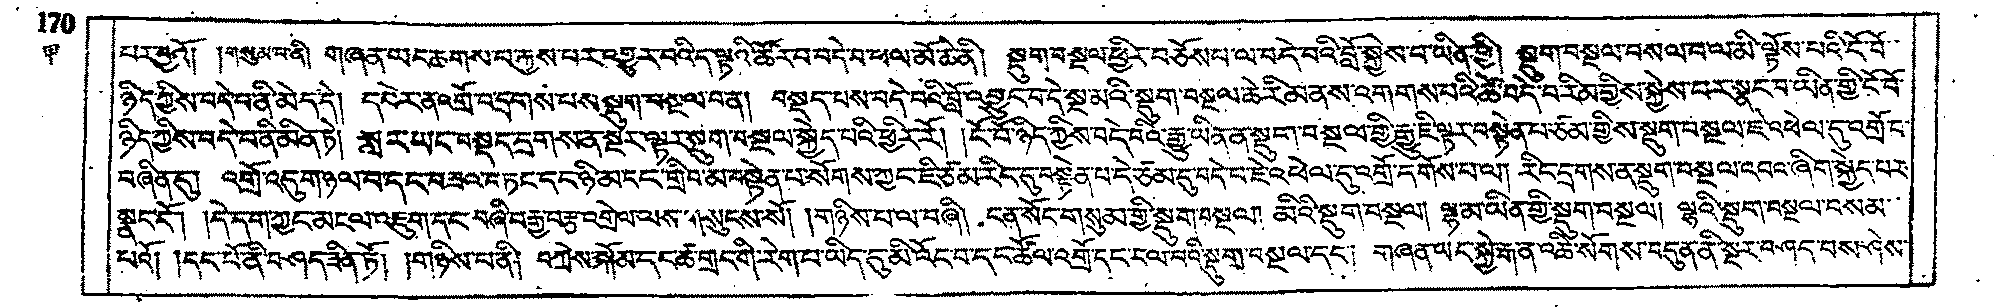པར་བྱའོ། །གསུམ་པ་ནི།  གཞན་ཡང་ཆགས་པ་རྒྱས་པར་འགྱུར་བའི་ད་ལྟའི་ཚོར་བ་བདེ་བ་ཕལ་མོ་ཆེ་ནི། སྡུག་བསྔལ་ཕྱིར་བཅོས་པ་ལ་བདེ་བའི་བློ་སྐྱེས་པ་ཡིན་གྱི། སྡུག་བསྔལ་བསལ་བ་ལ་མི་ལྟོས་པའི་ངོ་བོ་
ཉིད་ཀྱིས་བདེ་བ་ནི་མེད་དེ། དཔེར་ན་འགྲོ་བ་དྲགས་པས་སྡུག་བསྔལ་བ་ན། བསྡད་པས་བདེ་བའི་བློ་འབྱུང་བ་དེ་སྔ་མའི་སྡུག་བསྔལ་ཆེ་རིམ་ནས་འགགས་པའི་ཚེ་བདེ་བ་རིམ་གྱིས་སྐྱེས་པར་སྣང་བ་ཡིན་གྱི་ངོ་བོ་
ཉིད་ཀྱིས་བདེ་བ་ནི་མིན་ཏེ། སླར་ཡང་བསྡད་དྲགས་ན་སྔར་ལྟར་སྡུག་བསྔལ་སྐྱེད་པའི་ཕྱིར་རོ། །ངོ་བོ་ཉིད་ཀྱིས་བདེ་བའི་རྒྱུ་ཡིན་ན་སྡུག་བསྔལ་གྱི་རྒྱུ་ཇི་ལྟར་བསྟེན་པ་ཙམ་གྱིས་སྡུག་བསྔལ་ཇེ་འཕེལ་དུ་འགྲོ་བ་
བཞིན་དུ། འགྲོ་འདུག་ཉལ་བ་དང་བཟའ་བཏང་དང་ཉི་མ་དང་གྲིབ་མ་བསྟེན་པ་སོགས་ཀྱང་ཇི་ཙམ་རིང་དུ་བསྟེན་པ་དེ་ཙམ་དུ་བདེ་བ་ཇེ་འཕེལ་དུ་འགྲོ་དགོས་པ་ལ། རིང་དྲགས་ན་སྡུག་བསྔལ་འབའ་ཞིག་སྐྱེད་པར་
སྣང་ངོ། །དེ་དག་ཀྱང་མངལ་འཇུག་དང་བཞི་བརྒྱ་བརྩ་འགྲེལ་ལས་གསུངས་སོ། །གཉིས་པ་ལ་བཞི། ངན་སོང་གསུམ་གྱི་སྡུག་བསྔལ། མིའི་སྡུག་བསྔལ། ལྷ་མ་ཡིན་གྱི་སྡུག་བསྔལ། ལྷའི་སྡུག་བསྔལ་བསམ་
པའོ། །དང་པོ་ནི་བཤད་ཟིན་ཏོ། །གཉིས་པ་ནི། བཀྲེས་སྐོམ་དང་ཚ་གྲང་གི་རེག་པ་ཡིད་དུ་མི་འོང་བ་དང་ཚོལ་འགྲོ་དང་ངལ་བའི་སྡུག་བསྔལ་དང་། གཞན་ཡང་སྐྱེ་རྒ་ན་འཆི་སོགས་བདུན་ནི་སྔར་བཤད་པས་ཤེས་